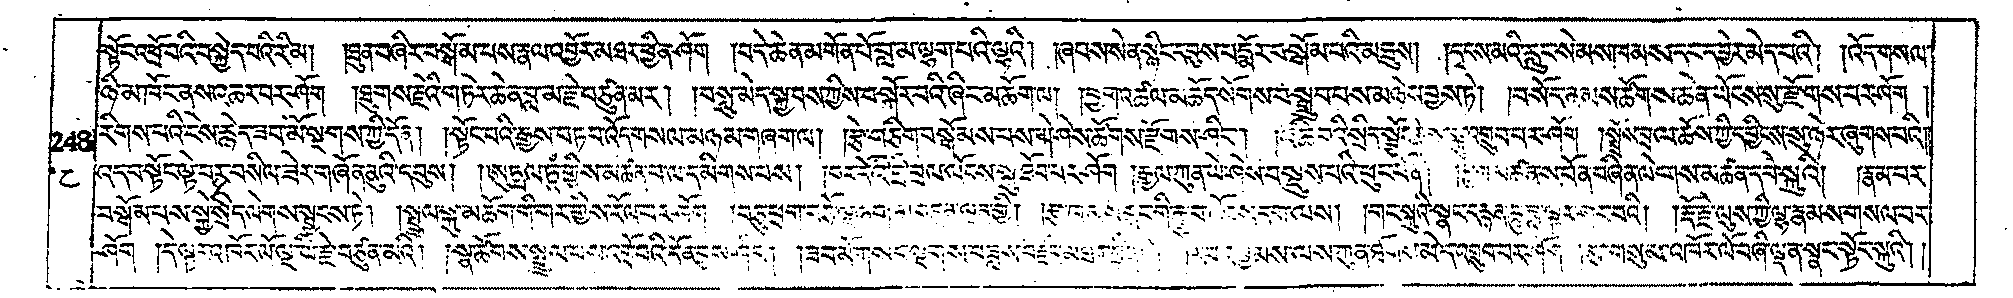སྟོང་འཕྲོ་བའི་བསྐྱེད་པའི་རིམ། །ཐུན་བཞིར་བསྒོམ་པས་རྣལ་འབྱོར་མཐར་ཕྱིན་ཤོག །བདེ་ཆེན་མགོན་པོ་བླ་མ་ལྷག་པའི་ལྷའི། །ཞབས་སེན་སྙིང་དབུས་པདམོར་བསྒོམ་པའི་མཐུས། །དྭངས་མའི་རླུང་སེམས་ཁམས་དང་དབྱེར་མེད་པའི། །འོད་གསལ་
ཉི་མ་ཁོང་ནས་འཆར་བར་ཤོག །ཐུགས་རྗེའི་གཏེར་ཆེན་བླ་མ་རྗེ་བཙུན་མར། །བསླུ་མེད་སྐྱབས་ཀྱིས་བསྐོར་བའི་ཞིང་མཆོག་ལ། །ཕྱག་འཚལ་མཆོད་སོགས་བསྒྲུབ་པས་མཉེས་བྱས་ཏེ། །བསོད་ནམས་ཚོགས་ཆེན་ཡོངས་སུ་རྫོགས་པར་ཤོག །
རིགས་པའི་ངེས་རྙེད་ཟབ་མོ་སྔགས་ཀྱི་དོན། །སྟོང་པའི་རྒྱས་བཏབ་འོད་གསལ་མཉམ་གཞག་ལ། །རྩེ་གཅིག་བསྒོམས་པས་ཡེ་ཤེས་ཚོགས་རྫོགས་ཤིང་། །འཆི་བའི་སྲིད་སྦྱོང་ཆོས་སྐུ་འགྲུབ་པར་ཤོག། །སྤྲོས་བྲལ་ཆོས་ཀྱི་དབྱིངས་སུ་ཉེར་ཞུགས་པའི།།
འདབ་སྟོང་ལྟེ་བར་བསིལ་ཟེར་གཞོན་ནུའི་དབུས། །ཨུཏྤལ་ཏཱཾ་གྱིས་མཚན་པ་ལ་དམིགས་པས། །བར་དོའི་བྲི་བྲལ་ལོངས་སྐུ་ཐོབ་པར་ཤོག །རྒྱལ་ཀུན་ཡེ་ཤེས་བསྡུས་པའི་ཕུང་པོ་ནི། །ཕྱག་མཚན་ས་བོན་བཞིན་ལེགས་མཚན་དཔེ་སྐུའི། །རྣམ་པར་
བསྒོམ་པས་སྐྱེ་སྲིད་ལེགས་སྦྱངས་ཏེ། །སྤྲུལ་སྐུ་མཆོག་གི་གར་གྱིས་རོལ་བར་ཤོག །བཅུ་ཕྲག་བཅོ་ལྔ་ཉག་མ་བདུན་ལྡན་གྱི། །རྩ་ཁམས་རླུང་གི་རྒྱུ་བ་ཡོངས་དག་ལས། །གང་སྐུའི་སྣང་བརྙན་ཆུ་ཟླ་ལྟར་ཤར་བའི། །རྡོ་རྗེ་ལུས་ཀྱི་ལྷ་རྣམས་གསལ་བར་
ཤོག །དེ་ལྟར་འཁོར་ལོ་ལྔ་ཡི་རྗེ་བཙུན་མའི། །སྣ་ཚོགས་སྤྲུལ་པས་འགྲོ་བའི་དོན་བྱས་ཤིང་། །ཟབ་མོ་གསང་སྔགས་བཟླས་བརྗོད་མཐར་ཕྱིན་ནི?། །རབ་འབྱམས་ལས་ཀུན་ཐོགས་མེད་འགྲུབ་པར་ཤོག །རྩ་གསུམ་འཁོར་ལོ་བཞི་ལྡན་སྣང་སྟོང་སྐུའི།།